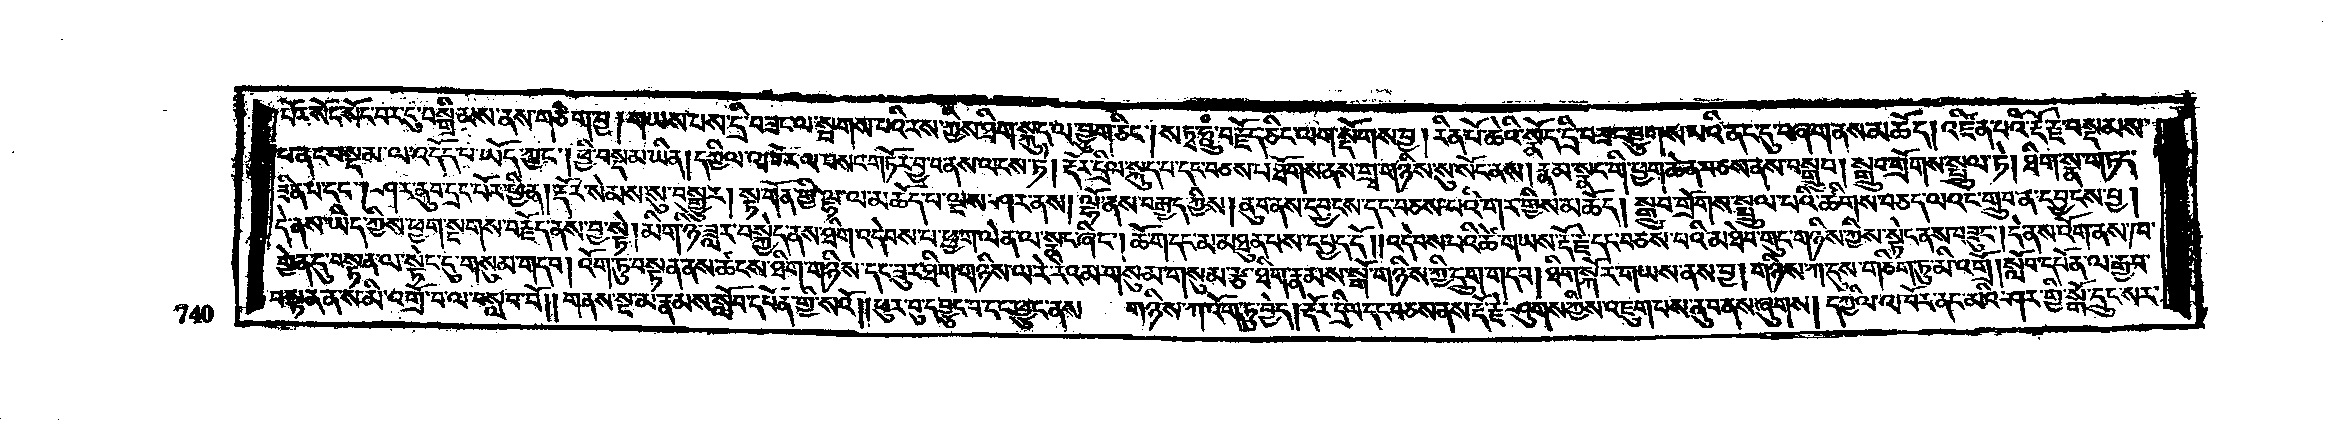པོར་སོང་སོང་བར་དུ་བསྒྲིམས་ནས་གཅིག་བྱ། གཡས་པས་དྲི་བཟང་ལ་སྤགས་པའི་རས་ཀྱིས་ཐིག་སྐུད་ལ་བྱུག་ཅིང་། སཏྭ་ཧཱུཾ་བརྗོད་ཅིང་ལག་སྡོགས་བྱ། རིན་པོ་ཆེའི་སྣོད་དྲི་བཟང་བྱུགས་པའི་ནང་དུ་བཞག་ནས་མཆོད། འཛིན་པའི་རྡོ་རྗེ་བསྡམས་
པ་ནང་བསྡམ་ལ་འདོད་པ་ཡོད་ཀྱང་། ཕྱི་བསྡམ་ཡིན། དཀྱིལ་འཁོར་ལ་བསང་གཏོར་བྱ་བ་ནས་ལངས་ཏེ། རྡོར་དྲིལ་སྐུད་པ་དང་བཅས་པ་ཐོགས་ནས་གྲྭ་གཉིས་སུ་སོང་ནས། རྣམ་སྣང་གི་ཕྱག་ཆེན་བཅས་ནས་བསྒྲུབ། སྒྲུབ་གྲོགས་སྤྲུལ་ཏེ། ཐིག་སྣ་གཏད་
ཟིན་པ་དང་། ཤར་ནུབ་དྲང་པོར་ཕྱིན། རྡོར་སེམས་སུ་བསྒྱུར། སྟ་གོན་གྱི་ལྷ་ལ་མཆོད་པ་ལྔས་ཤར་ནས། ལྷོ་ནས་བརྒྱད་ཀྱིས། ནུབ་ནས་དབྱངས་དང་བཅས་པའི་གར་གྱིས་མཆོད། སྒྲུབ་གྲོགས་སྤྲུལ་པའི་ཚིགས་བཅད་ལའང་གྲུབ་ན་དབྱངས་བྱ།
དེ་ནས་ཡིད་ཀྱིས་ཕྱག་སྔགས་བརྗོད་ནས་བྱ་སྟེ། མིག་ཉི་ཟླར་བསྐྱེད་ནས་ཐིག་འདེབས་པ་ཕྱག་ལེན་ལ་སྣང་ཞིང་། ཆོ་ག་དང་མ་མཐུན་པས་དཔྱད་དོ། །འདེབས་པའི་ཚེ་གཡས་རྡོ་རྗེ་དང་བཅས་པའི་མཐེབ་གུང་གཉིས་ཀྱིས་སྟེང་ནས་བཟུང་། དེ་ནས་འོག་ནས་ཁ་
གྱེན་དུ་བསྟན་ལ་སྟེང་དུ་གསུམ་གདབ། འོག་ཏུ་བསྟན་ནས་ཚངས་ཐིག་གཉིས་དང་ཟུར་ཐིག་གཉིས་ལ་རེ་རེའམ་གསུམ་གསུམ་རྩ་ཐིག་རྣམས་སྒོ་གཉིས་ཀྱི་དྲུག་གདབ། ཐིག་སྐོར་གཡས་ནས་བྱ། གཉིས་ཀ་དུས་གཅིག་ཏུ་མི་འགྲོ་།སློབ་དཔོན་ལ་རྒྱབ་
བསྟན་ན་ས་མི་འགྲོ་བ་ལ་བསླབ་བོ། །གནས་སྔ་མ་རྣམས་སློབ་དཔོན་གྱི་སའོ། །ཕུར་བུ་དབྱུང་བ་དང་ཕྱུང་ནས་གཉིས་ཀ་འོག་ཏུ་བྱེད། རྡོར་དྲིལ་དང་བཅས་ནས་རྡོ་རྗེ་ཤུགས་ཀྱིས་འཇུག་པས་ནུབ་ནས་ཞུགས། དཀྱིལ་འཁོར་ནང་མའི་ཤར་གྱི་སྒོ་དྲུང་སར་